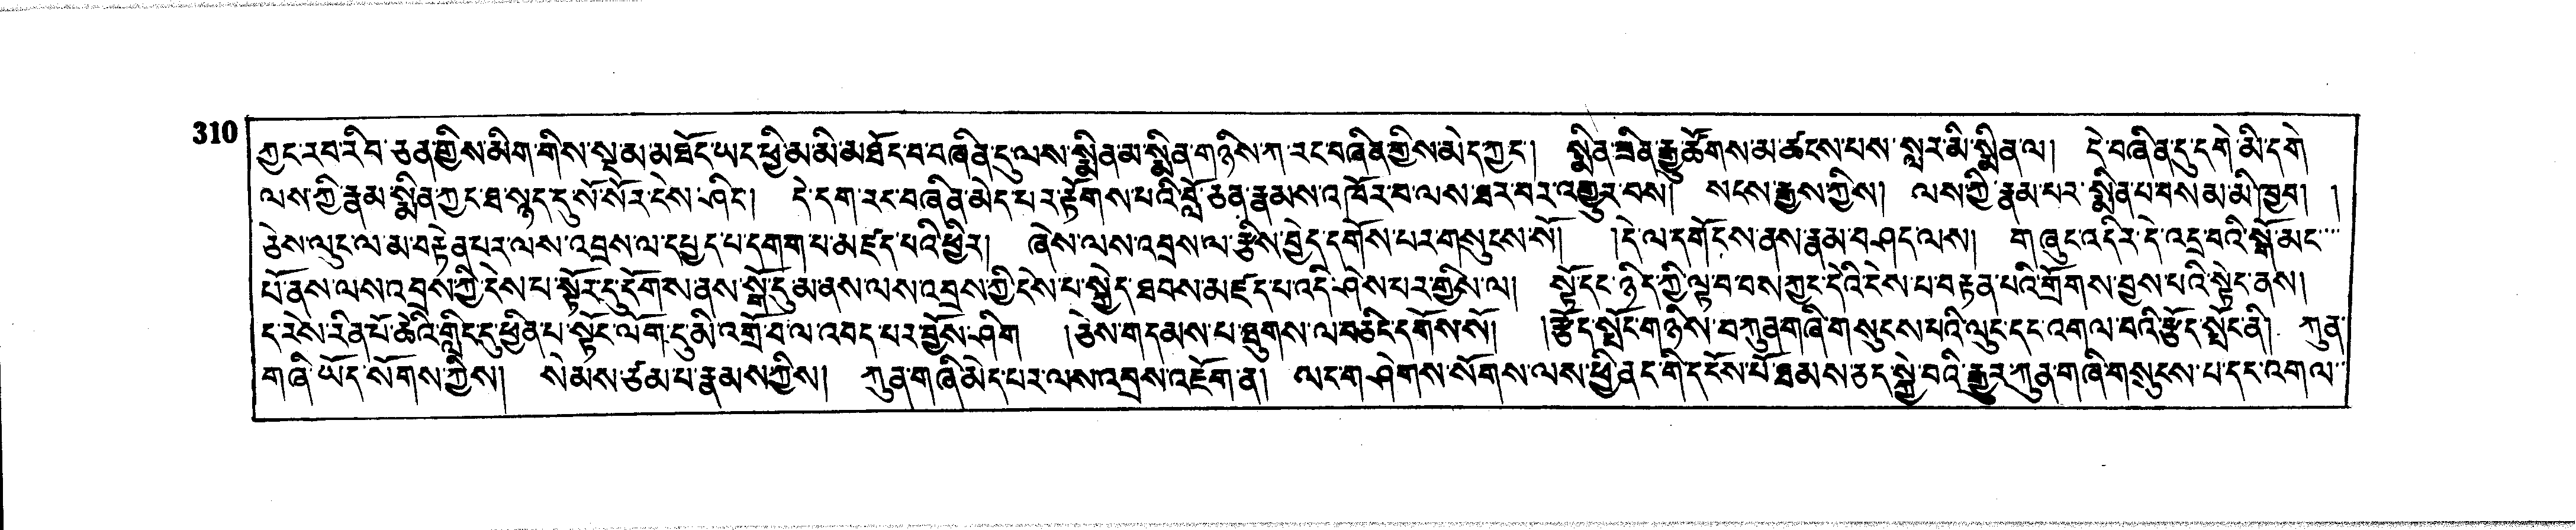ཀྱང་རབ་རིབ་ཅན་གྱིས་མིག་གིས་སྔ་མ་མཐོང་ཡང་ཕྱི་མ་མི་མཐོང་བ་བཞིན་དུ་ལས་སྨིན་མ་སྨིན་གཉིས་ཀ་རང་བཞིན་གྱིས་མེད་ཀྱང་། སྨིན་ཟིན་རྒྱུ་ཚོགས་མ་ཚངས་པས་སླར་མི་སྨིན་ལ། དེ་བཞིན་དུ་དགེ་མི་དགེ་
ལས་ཀྱི་རྣམ་སྨིན་ཀྱང་ཐ་སྙད་དུ་སོ་སོར་ངེས་ཤིང་། དེ་དག་རང་བཞིན་མེད་པར་རྟོགས་པའི་བློ་ཅན་རྣམས་འཁོར་བ་ལས་ཐར་བར་འགྱུར་བས། སངས་རྒྱས་ཀྱིས། ལས་ཀྱི་རྣམ་པར་སྨིན་པ་བསམ་མི་ཁྱབ། །
ཅེས་ལུང་ལ་མ་བརྟེན་པར་ལས་འབྲས་ལ་དཔྱད་པ་དགག་པ་མཛད་པའི་ཕྱིར། ཞེས་ལས་འབྲས་ལ་རྩིས་བྱེད་དགོས་པར་གསུངས་སོ། །དེ་ལ་དགོངས་ནས་རྣམ་བཤད་ལས། གཞུང་འདིར་དེ་འདྲ་བའི་སྒོ་མང་
པོ་ནས་ལས་འབྲས་ཀྱི་ངེས་པ་སྟོར་དུ་དོགས་ནས་སྒོ་དུ་མ་ནས་ལས་འབྲས་ཀྱི་ངེས་པ་སྐྱེད་ཐབས་མཛད་པ་འདི་ཤེས་པར་གྱིས་ལ། སྟོང་པ་ཉིད་ཀྱི་ལྟ་བ་བས་ཀྱང་དེའི་ངེས་པ་བརྟན་པའི་གྲོགས་བྱས་པའི་སྟེང་ནས།
ད་རེས་རིན་པོ་ཆེའི་གླིང་དུ་ཕྱིན་པ་སྟོང་ལོག་དུ་མི་འགྲོ་བ་ལ་འབད་པར་བྱོས་ཤིག །ཅེས་གདམས་པ་ཐུགས་ལ་བཅིང་དགོས་སོ། །རྩོད་སྤོང་གཉིས་བ་ཀུན་གཞི་གསུངས་པའི་ལུང་དང་འགལ་བའི་རྩོད་སྤོང་ནི། ཀུན་
གཞི་ཡོད་སོགས་ཀྱིས། སེམས་ཙམ་པ་རྣམས་ཀྱིས། ཀུན་གཞི་མེད་པར་ལས་འབྲས་འཇོག་ན། ལང་གཤེགས་སོགས་ལས་ཕྱི་ནང་གི་དངོས་པོ་ཐམས་ཅད་སྐྱེ་བའི་རྒྱུར་ཀུན་གཞི་གསུངས་པ་དང་འགལ་